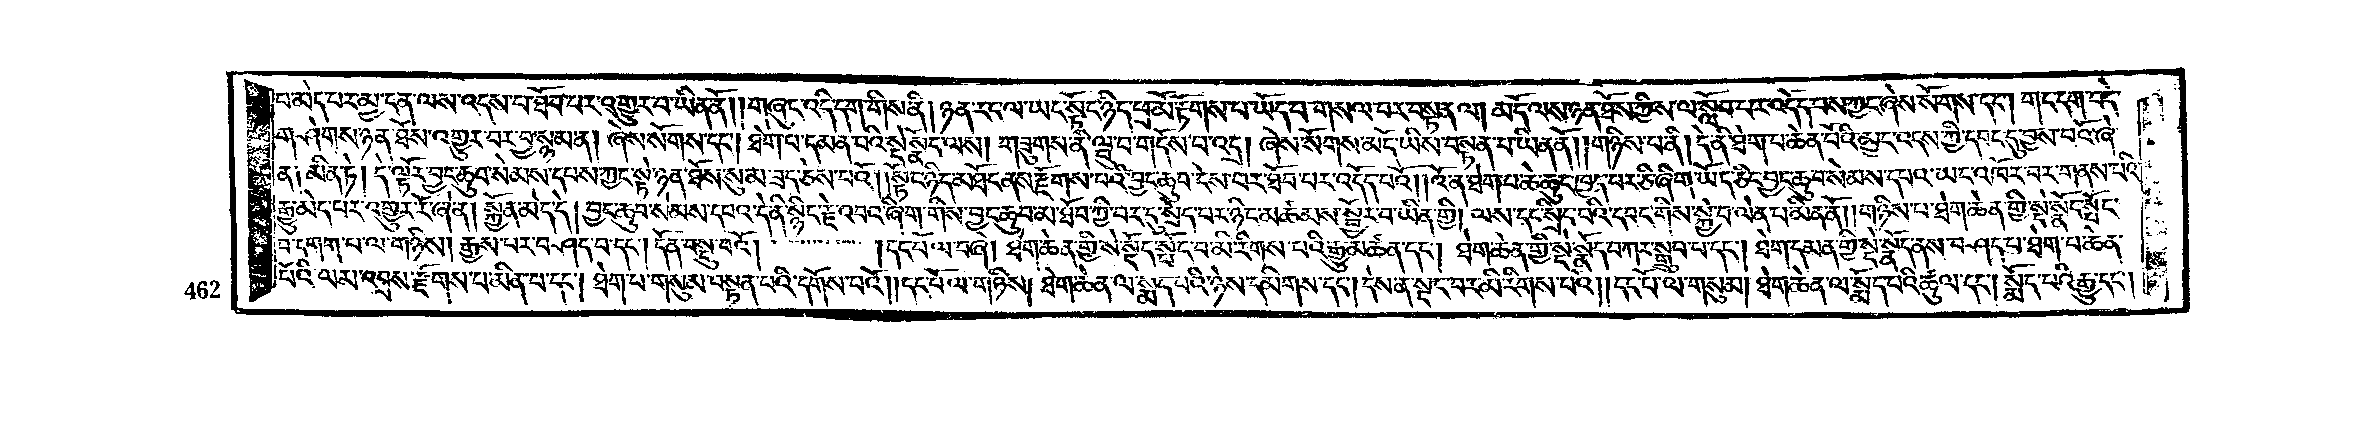པ་མེད་པར་མྱ་ངན་ལས་འདས་པ་ཐོབ་པར་འགྱུར་བ་ཡིན་ནོ། །གཞུང་འདི་དག་གིས་ནི། ཉན་རང་ལ་ཡང་སྟོང་ཉིད་ཕྲ་མོ་རྟོགས་པ་ཡོད་པ་གསལ་བར་བསྟན་ལ། མདོ་ལས་ཉན་ཐོས་ཀྱིས་ལ་སློབ་པར་འདོད་པས་ཀྱང་ཞེས་སོགས་དང་། གང་དག་བདེ་
གཤེགས་ཉན་ཐོས་འགྱུར་བར་བྱ་སྙམ་ན། ཞེས་སོགས་དང་། ཐེག་པ་དམན་པའི་སྡེ་སྣོད་ལས། གཟུགས་ནི་ལྦུ་བ་གདོས་པ་འདྲ། ཞེས་སོགས་མདོ་ཡིས་བསྟན་པ་ཡིན་ནོ། །གཉིས་པ་ནི། དེ་ནི་ཐེག་པ་ཆེན་པོའི་མྱང་འདས་ཀྱི་དབང་དུ་བྱས་པའོ་ཞེ་
ན། མིན་ཏེ། དེ་ལྟོར་བྱང་ཆུབ་སེམས་དཔས་ཀྱང་སྟེ་ཉན་ཐོས་སུ་མ་ཟད་ཅེས་པའོ། །སྟོང་ཉིད་མཐོང་ནས་རྫོགས་པའི་བྱང་ཆུབ་ངེས་པར་ཐོབ་པར་འདོད་པའོ། །འོ་ན་ཐེག་པ་ཆེ་ཆུང་ཁྱད་པར་ཅི་ཞིག་ཡོད་ཅིང་བྱང་ཆུབ་སེམས་དཔའ་ཡང་འཁོར་བར་གནས་པའི་
རྒྱུ་མེད་པར་འགྱུར་རོ་ཞེ་ན། སྐྱོན་མེད་དེ། བྱང་ཆུབ་སེམས་དཔའ་དེ་ནི་སྙིང་རྗེ་འབའ་ཞིག་གིས་བྱང་ཆུབ་མ་ཐོབ་ཀྱི་བར་དུ་སྲེད་པར་ཉིང་མཚམས་སྦྱོར་བ་ཡིན་གྱི། ལས་དང་སྲིད་པའི་དབང་གིས་སྐྱེ་བ་ལེན་པ་མིན་ནོ། །གཉིས་པ་ཐེག་ཆེན་གྱི་སྡེ་སྣོད་སྤོང་
བ་དགག་པ་ལ་གཉིས། རྒྱས་པར་བཤད་པ་དང་། དོན་བསྡུ་བའོ། །དང་པོ་ལ་བཞི། ཐེག་ཆེན་གྱི་སེ་སྡོད་སྤོང་བ་མི་རིགས་པའི་རྒྱུ་མཚན་དང་། ཐེག་ཆེན་གྱི་སྡེ་སྣོད་བཀར་སྒྲུབ་པ་དང་། ཐེག་དམན་གྱི་སྡེ་སྣོད་ནས་བཤད་པ་ཐེག་པ་ཆེན་
པོའི་ལམ་འབྲས་རྫོགས་པ་མིན་པ་དང་། ཐེག་པ་གསུམ་བསྟན་པའི་དགོས་པའོ། །དང་པོ་ལ་གཉིས། ཐེག་ཆེན་ལ་སྨད་པའི་ཉེས་དམིགས་དང་། དེས་ན་སྡང་བར་མི་རིགས་པའོ། །དང་པོ་ལ་གསུམ། ཐེག་ཆེན་ལ་སྨོད་པའི་ཚུལ་དང་། སྨོད་པའི་རྒྱུ་དང་།